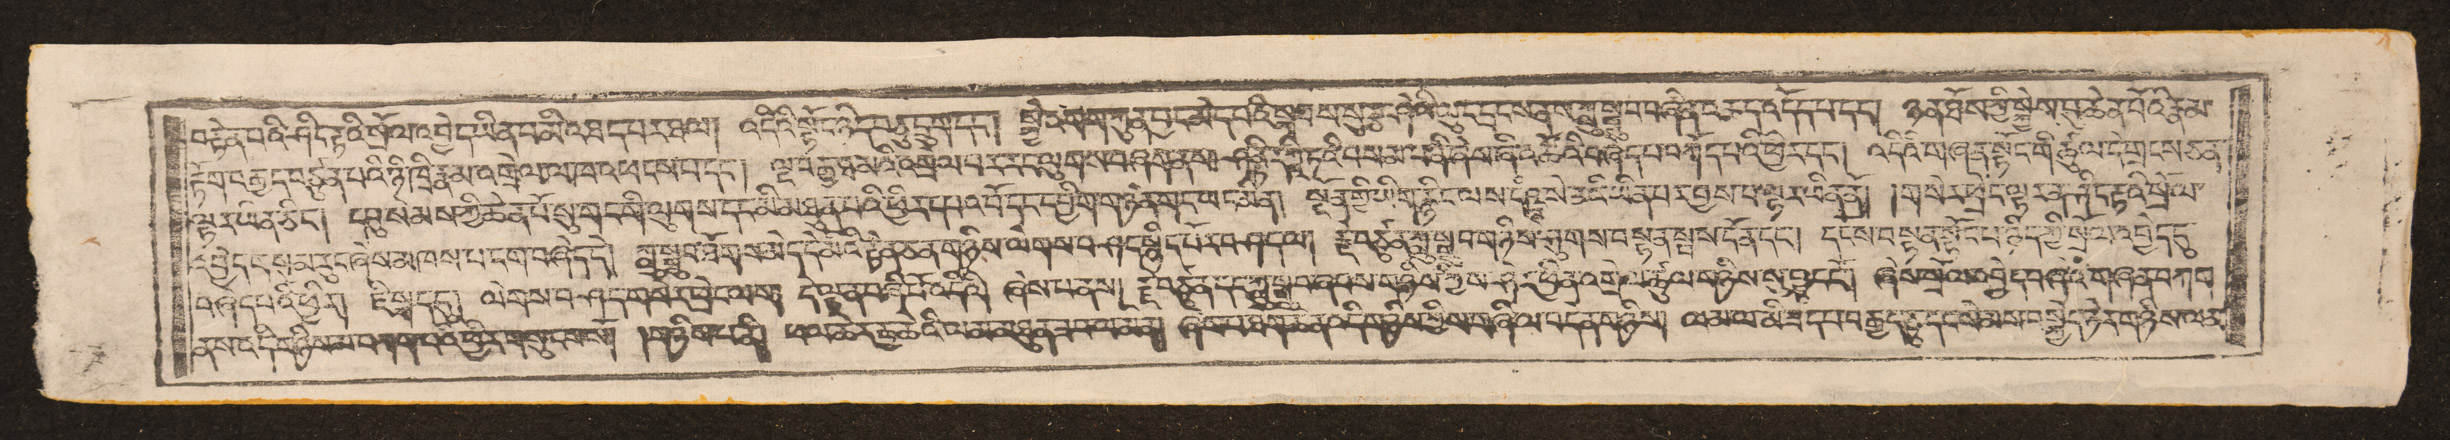བརྟེན་པའི་ཤིང་རྟའི་སྲོལ་འབྱེད་ཡིན་པ་མི་འཐད་པར་ཐལ། འདིའི་སྟོང་ཉིད་བཅུ་དྲུག་དང་། སྐྱེ་འགག་ཀུན་བྱང་མེད་པའི་སྐབས་སུ་རྩ་ཤེའི་ལུང་དྲངས་ནས་ཀླུ་སྒྲུབ་བཞིན་འཆད་འདོད་པ་དང་། ཉན་ཐོས་ཀྱི་སྐྱེས་བུ་ཆེན་པོའི་རྣམ་
རྟོག་བརྒྱད་བཙུན་པའི་ཉི་ཁྲི་རྣམ་འགྲེལ་ལ་ཁ་འཕངས་པ་དང་། ལྔ་བརྒྱ་ཐ་མའི་འགྲེལ་པར་རང་ལུགས་བཞག་ནས། ཤནྟི་རཀྵི་ཏའི་བསམ་པ་ནི་ཞེས་ཞི་འཚོའི་བཞེད་པ་བཀོད་པའི་ཕྱིར་དང་། འདིའི་གཞན་སྟོང་གི་ཚུལ་དེ་གྲངས་ཅན་
ལྟར་ཡིན་ཅིང་། དབུ་སེམས་ཀྱི་ཆེན་པོ་སུ་གང་གི་ལུགས་དང་མི་མཐུན་པའི་ཕྱིར་དཔའ་བོ་དང་དབྱིག་གཉེན་གང་ཡང་མིན། སྔོན་གྱི་ཡིག་རྙིང་ལས་དཾཥྚ་སེ་ནའི་ཡིན་པར་བྱས་པ་ལྟར་ཡིན་ནོ། །གསེར་ཕྲེང་ལྟར་ན་ཤིང་རྟའི་སྲོལ་
འབྱེད་གསུམ་རུང་ཞེས་མཁས་པ་དག་བཞེད་དེ། ཀླུ་སྒྲུབ་ཐོགས་མེད་དེ་མིའི་རྟེན་ཅན་གཉིས་ལེགས་བཤད་སྙིང་པོར་བཤད་ལ། རྗེ་བཙུན་ཀླུ་སྒྲུབ་གཉིས་ཤུགས་བསྟན་སྦས་དོན་དང་། དངོས་བསྟན་སྟོང་པ་ཉིད་ཀྱི་སྲོལ་འབྱེད་དུ་
བཞེད་པའི་ཕྱིར། ཇི་སྐད་དུ། ལེགས་བཤད་གསེར་ཕྲེང་ལས། དེ་ལྟ་ན་བཞི་པོ་འདིའི། ཞེས་པ་ནས། རྗེ་བཙུན་དང་ཀླུ་སྒྲུབ་ཞབས་གཉིས་ཀྱིས་ཤེར་ཕྱིན་འགྲེལ་ཚུལ་གཉིས་སུ་བྱུང་ངོ། ཞེས་སྲེལ་འབྱེད་བཞིའི་གཞན་བཀག་
ནས་འདི་གཉིས་མ་བཀག་པའི་ཕྱིར་གསུངས་སོ། །གཉིས་པ་ནི། ཕལ་ཆེར་རྒྱ་ཆེའི་ལམ་མཐུན་ཟབ་ལ་མིན། ཞེས་པ་ཐེག་ཆེན་འདི་གཉིས་ཀྱིས་གཞི་ལ་བདེན་གཉིས། ལམ་ལ་མི་ཟད་པ་བརྒྱད་ཅུ་དང་སེམས་བསྐྱེད་ཉེར་གཉིས་ལམ་